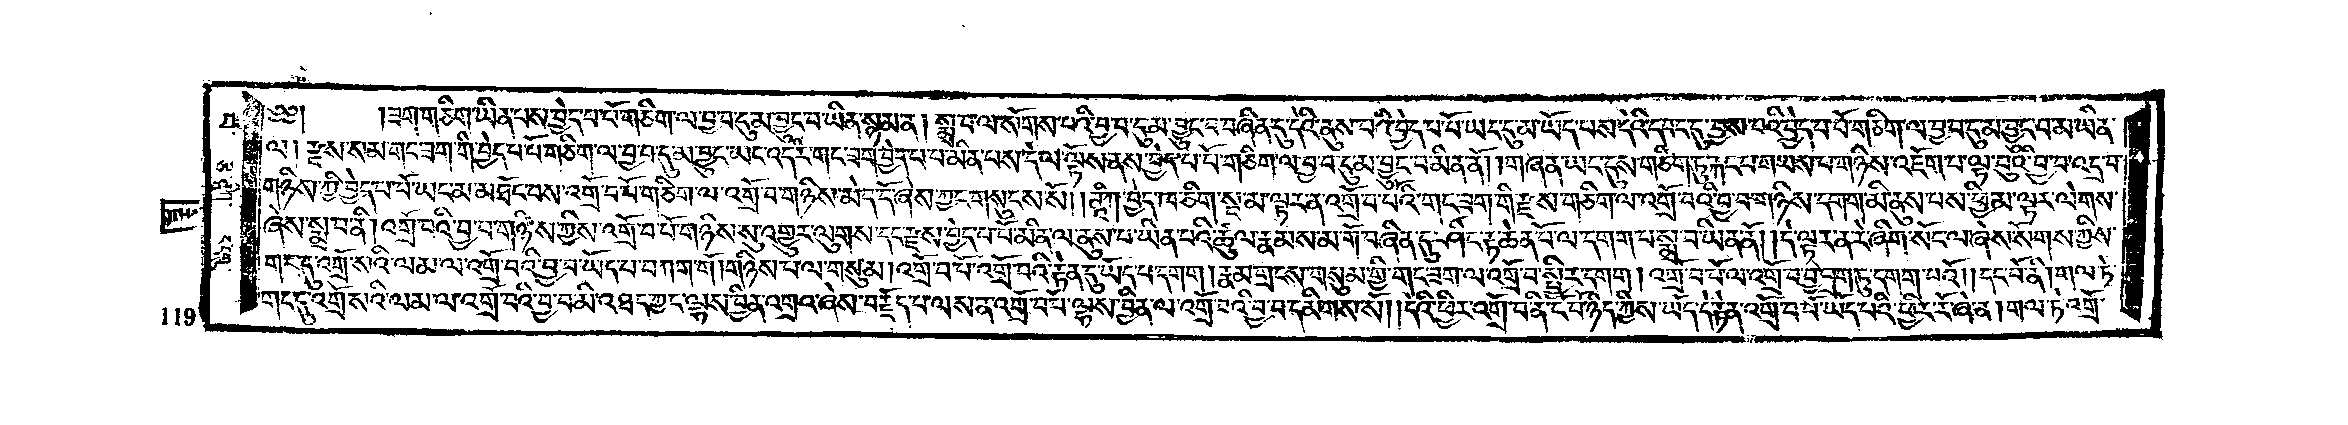༄༅། །ཟག་གཅིག་ཡིན་པས་བྱེད་པ་པོ་གཅིག་ལ་བྱ་བ་དུ་མ་བྱུང་བ་ཡིན་སྙམ་ན། སྨྲ་བ་ལ་སོགས་པའི་བྱ་བ་དུ་མ་བྱུང་བ་བཞིན་དུ་དེའི་ནུས་པའི་བྱེད་པ་པོ་ཡང་དུ་མ་ཡོད་པས་དེའི་དབང་དུ་བྱས་པའི་བྱེད་པ་པོ་གཅིག་ལ་བྱ་བ་དུ་མ་བྱུང་བ་མ་ཡིན་
ལ། རྫས་སམ་གང་ཟག་གི་བྱེད་པ་པོ་གཅིག་ལ་བྱ་བ་དུ་མ་བྱུང་ཡང་འདིར་གང་ཟག་བྱེད་པ་པོ་མིན་པས་དེ་ལ་ལྟོས་ནས་བྱེད་པ་པོ་གཅིག་ལ་བྱ་བ་དུ་མ་བྱུང་བ་མིན་ནོ། །གཞན་ཡང་དུས་གཅིག་ཏུ་རྐང་པ་གཡས་པ་གཉིས་འཇོག་པ་ལྟ་བུའི་བྱ་བ་འདྲ་བ་
གཉིས་ཀྱི་བྱེད་པ་པོ་ཡང་མ་མཐོང་བས་འགྲོ་བ་པོ་གཅིག་ལ་འགྲོ་བ་གཉིས་མེད་དོ་ཞེས་ཀྱང་གསུངས་སོ། །ཊཱིཀ་བྱེད་ཁ་ཅིག་སྔ་མ་ལྟར་ན་འགྲོ་བ་པའི་གང་ཟག་གི་རྫས་གཅིག་ལ་འགྲོ་བའི་བྱ་བ་གཉིས་དགག་མི་ནུས་པས་ཕྱི་མ་ལྟར་ལེགས་
ཞེས་སྨྲ་བ་ནི། འགྲོ་བའི་བྱ་བ་གཉིས་ཀྱིས་འགྲོ་བ་པོ་གཉིས་སུ་འགྱུར་ལུགས་དང་རྫས་བྱེད་པ་པོ་མིན་ལ་ནུས་པ་ཡིན་པའི་ཚུལ་རྣམས་མགོ་བཞིན་དུ་ཤིང་རྟ་ཆེན་པོ་ལ་དགག་བ་སྨྲ་བ་ཡིན་ནོ། །དེ་ལྟར་ན་རེ་ཞིག་སོང་ལ་ཞེས་སོགས་ཀྱིས་
གང་དུ་འགྲོ་སའི་ལམ་ལ་འགྲོ་བའི་བྱ་བ་ཡོད་པ་བཀག་གོ། གཉིས་པ་ལ་གསུམ། འགྲོ་བ་པོ་འགྲོ་བའི་རྟེན་དུ་ཡོད་པ་དགག །རྣམ་གྲངས་གསུམ་གྱི་གང་ཟག་ལ་འགྲོ་བ་སྤྱིར་དགག། འགྲོ་བ་པོ་ལ་འགྲོ་བ་བྱ་བྲག་ཏུ་དགག་པའོ། །དང་པོ་ནི་།གལ་ཏེ་
གང་དུ་འགྲོ་སའི་ལམ་ལ་འགྲོ་བའི་བྱ་བ་མི་འཐད་ཀྱང་ལྷས་བྱིན་འགྲའ་ཞེས་བརྗོད་པ་ལས་ན་འགྲོ་བ་པོ་ལྷས་བྱིན་ལ་འགྲོ་བའི་བྱ་བ་དམིགས་སོ། །དེའི་ཕྱིར་འགྲོ་བ་ནི་ངོ་བོ་ཉིད་ཀྱིས་ཡོད་དེ་རྟེན་འགྲོ་བ་པོ་ཡོད་པའི་ཕྱིར་རོ་ཞེ་ན། གལ་ཏེ་འགྲོ་